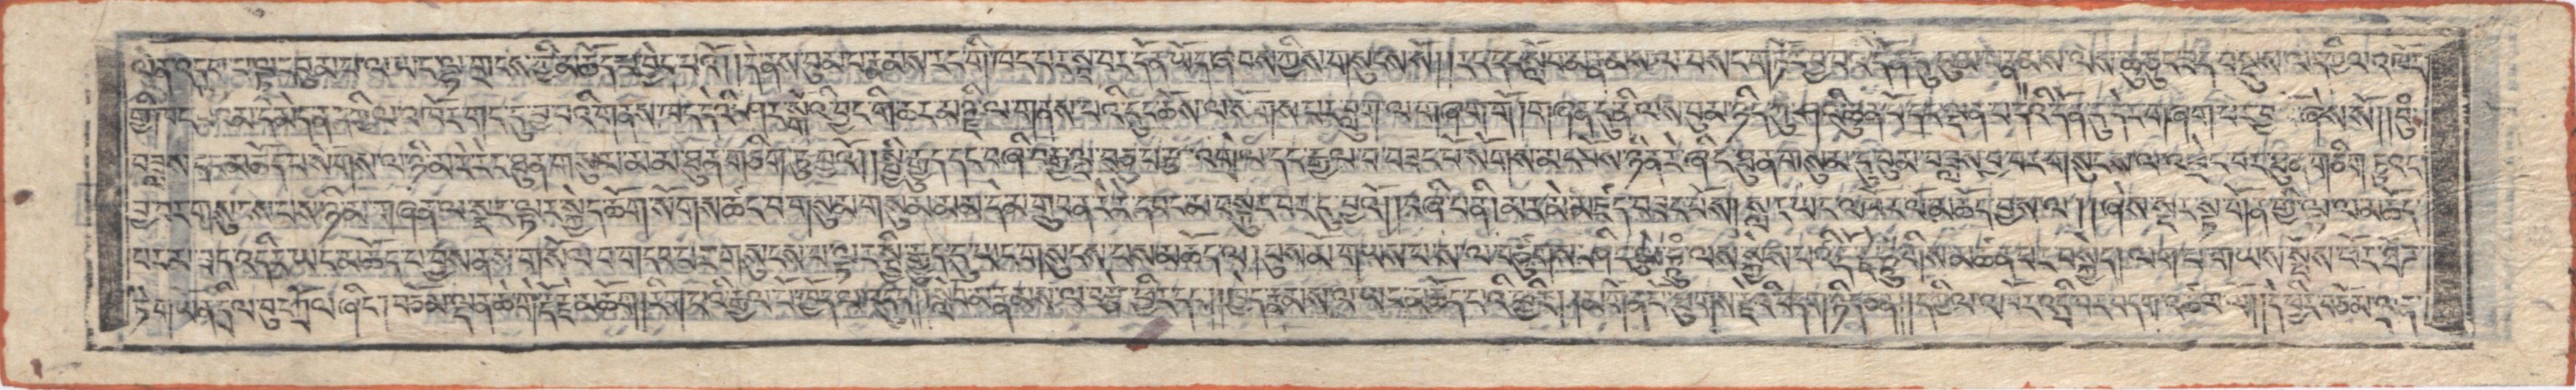ལེན་འདུག་པ་ལྟར་བུམ་པ་ལ་ཡང་ལྷ་གྲངས་ཀྱི་མཆོད་པ་བྱེད་པའོ། །དེ་ནས་བུམ་པ་རྣམས་རང་གི་ཁང་པར་སྦ་བར་དོན་ཡོད་ཞབས་ཀྱིས་གསུངས་སོ། །རང་དང་སློབ་མ་རྣམས་ལ་བསང་གཏོར་བྱ་བའི་དོན་དུ་བུམ་པ་རྣམས་ལས་ཆུ་ཅུང་ཟད་བསྡུས་ལ་དཀྱིལ་འཁོར་
གྱི་ཁང་པའམ་དེ་མེད་ན་དཀྱིལ་འཁོར་གང་དུ་བྱ་བའི་གནས་ཁང་དེའི་ཤར་སྒོའི་བྱང་གི་ཆར་མཉྫི་ལ་གནས་པའི་དུང་ཆོས་ལ་སོགས་པར་བླུགས་ལ་གཞག་གོ །གཞན་དུ་ནི་ལས་བུམ་ཉིད་ཀུ་ཤའི་ཆུན་པོ་དང་ལྡན་པ་དེའི་དོན་དུ་དེར་གཞག་པར་བྱའོ་ཞེས་སོ། །བུཾ་
བཟླས་དང་མཆོད་པ་སོགས་ལ་ཉི་མ་རེ་རེར་ཐུན་གསུམ་མ་མ་ཐུན་གཅིག་ཏུ་བྱའོ། །སྤྱི་རྒྱུད་དང་བཞི་བརྒྱ་ལྔ་བཅུ་པ་རྩ་འགྲེལ་དང་རྒྱལ་བ་བཟང་པོ་སོགས་མང་པོས་ཉིན་རེ་ཞིང་ཐུན་གསུམ་དུ་བུམ་བཟླས་བྱ་བར་གསུངས་ལ་འཕྲེང་བར་ཐུན་གཅིག་ཏུའང་
བྱ་བར་གསུངས་པས་ཉི་མ་གཞན་ལ་སྔར་ལྟར་སྐྱེད་ཆོག་སོགས་ཚང་བ་གསུམ་གསུམ་མམ་དེ་མ་གྲུབ་ན་རེ་རེ་དབང་མ་བསྐུར་བར་དུ་བྱའོ། །བཞི་པ་ནི། མར་མེ་མཛད་བཟང་པོས། སླར་ཡང་འཁོར་ལོ་མཆོད་བྱས་ལ། །ཞེས་སྔར་སྟ་གོན་གྱི་ལྷ་ལ་མཆོད་
པར་མ་ཟད་འདིར་ཡང་མཆོད་པ་བྱས་ནས་གསོལ་བ་གདབ་པར་གསུངས་པ་ལྟར་སྤྱི་རྒྱུད་དུ་ཡང་གསུངས་པས་མཆོད་ལ། པུས་མོ་གཡས་པ་ས་ལ་བཙུགས་ཤིང་ལྕེ་ཧཱུཾ་ལས་སྐྱེས་པའི་རྡོ་རྗེ་ཧཱུཾ་གིས་མཚན་པར་བསྐྱེད། ལག་པ་གཡས་སྤོས་ཕོར་ཐོགས་
ཏེ་གཡོན་དྲིལ་བུ་དཀྲོལ་ཞིང་། བཅོམ་ལྡན་ཆེ་གེ་རྡོ་རྗེ་མཆོག །རིག་པའི་རྒྱལ་པོ་ཁྱོད་ལ་འདུད། །སློབ་མ་རྣམས་ལ་བརྩེ་ཕྱིར་དང་། །ཁྱེད་རྣམས་ལ་ཡང་མཆོད་པའི་ཕྱིར། །མགོན་པོ་ཐུགས་རྗེའི་བདག་ཉིད་ཅན། །དཀྱིལ་འཁོར་འདྲི་བར་བདག་འཚལ་ལོ། །དེ་ཕྱིར་བཅོམ་ལྡན་